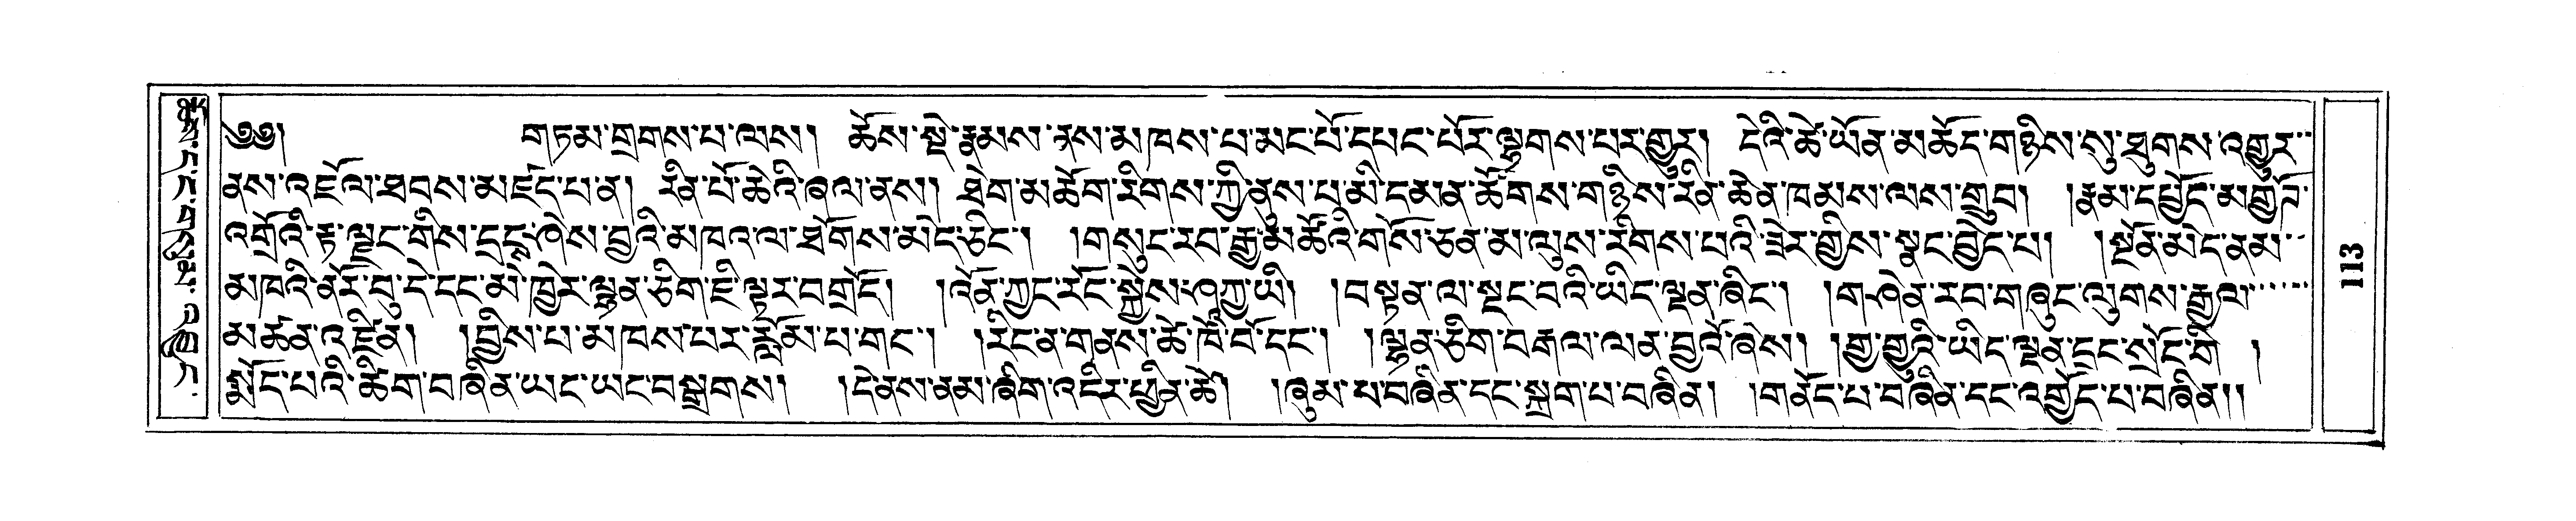༄༅། །གཏམ་གྲགས་པ་ལས། ཆོས་སྡེ་རྣམས་ནས་མཁས་པ་མང་པོ་དཔང་པོར་ལྷགས་པར་གྱུར། དེའི་ཚེ་ཡོན་མཆོད་གཉིས་སུ་ཐུགས་འགྱུར་
ནས་འཇོལ་ཐབས་མཛད་པ་ན། རིན་པོ་ཆེའི་ཞལ་ནས། ཐེག་མཆོག་རིགས་ཀྱི་ནུས་པ་མི་དམན་ཚོགས་གཉིས་རིན་ཆེན་ཁམས་ལས་གྲུབ། །རྣམ་དཔྱོད་མགྱོཊ་
འགྲོའི་རྟ་ལྗང་གིས་དྲངས་ཤེས་བྱའི་མཁའ་ལ་ཐོགས་མེད་ཅིང་། །གསུང་རབ་རྒྱ་མཚོའི་གོས་ཅན་མ་ལུས་རིགས་པའི་ཟེར་གྱིས་སྣང་བྱེད་པ། །སྔོན་མེད་ནམ་
མཁའི་ནོར་བུ་དེ་དང་མེ་ཁྱེར་ལྷན་ཅིག་ཇི་ལྟར་བགྲོད། །འོན་ཀྱང་རོང་སྐྱེས་ཤཱཀྱ་ཡི། །བསྟན་ལ་སྡང་བའི་ཡིད་ལྡན་ཞིང་། །གཤེན་རབ་གཞུང་ལུགས་རྒྱལ་
མཚན་འཛིན། །བྱིས་པ་མཁས་པར་རློམ་པ་གང་། །རིང་ན་གནས་ཚེ་ཁོ་བོ་དང་། །ལྷན་ཅིག་བརྒལ་ལན་བྱའོ་ཞེས། །གྱ་གྱུའི་ཡིད་ལྡན་དྲང་སྲོང་གི།
སྨོད་པའི་ཚིག་བཞིན་ཡང་ཡང་བསྒྲགས། །དེ་ནས་ནམ་ཞིག་འདིར་ཕྱིན་ཚེ། །ཞུམ་པ་བཞིན་དང་སྐྲག་པ་བཞིན། །གནོད་པ་བཞིན་དང་འགྱོད་པ་བཞིན།།